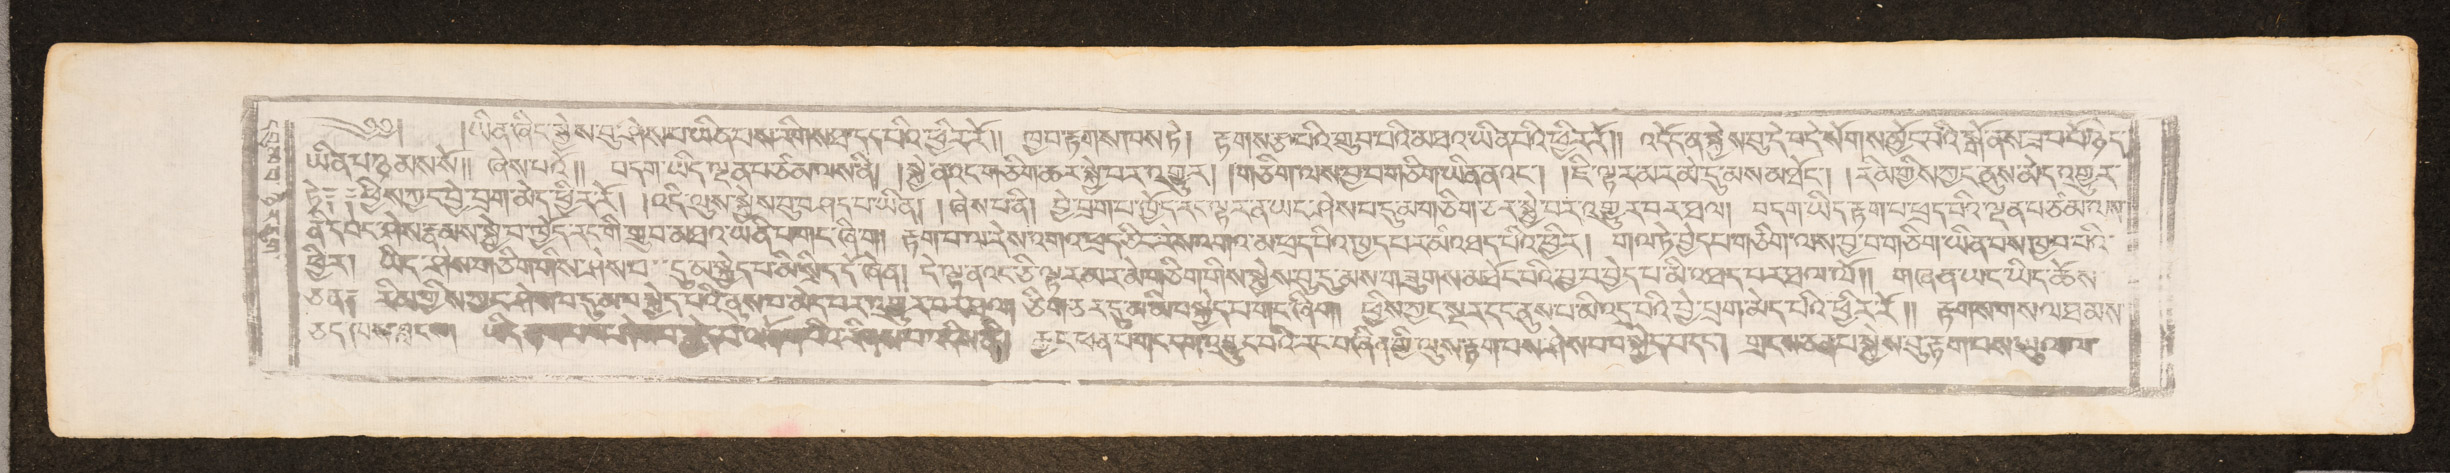༄༅། །ཡིན་ཞིང་སྐྱེས་བུ་ཤེས་པ་ཡིན་པས་རིགས་ཐ་དད་པའི་ཕྱིར་རོ།། ཁྱབ་རྟགས་ཁས་ཏེ། རྟགས་རྩ་བའི་གྲུབ་པའི་མཐའ་ཡིན་པའི་ཕྱིར་རོ།། འདོད་ན་སྐྱེས་བུ་དེ་བདེ་སོགས་མྱོང་བའི་སྒོ་ནས་ཟ་བ་པོ་ཉིད་
ཡིན་པ་ཉམས་སོ།། ཞེས་པའོ།། བདག་ཡིད་ལྡན་བ་ཙམ་ལས་ནི། །སྐྱེ་ན་འང་གཅིག་ཆར་སྐྱེ་བར་འགྱུར། །གཅིག་ལས་བྱ་བ་གཅིག་ཡིན་ནའང་། །ཇི་ལྟར་མར་མེ་དུ་མས་མཐོང་། །རིམ་གྱིས་ཀྱང་ནུས་མེད་འགྱུར་
ཏེ༑ ༑ཕྱིས་ཀྱང་བྱེ་བྲག་མེད་ཕྱིར་རོ། །འདི་ལུས་སྐྱེས་བུ་བཤད་པ་ཡིན། །ཞེས་པ་ནི། བྱེ་བྲག་པ་ཁྱོད་རང་ལྟར་ན་ཡང་ཤེས་པ་དུ་མ་གཅིག་ཅར་སྐྱེ་བར་འགྱུར་བར་ཐལ། བདག་ཡིད་རྟག་པ་ཕྲད་པའི་ལྡན་པ་ཙམ་ལས་
ནི་དབང་ཤེས་རྣམས་སྐྱེ་པ་ཁྱོད་རང་གི་གྲུབ་མཐའ་ཡིན་པ་གང་ཞིག། རྟག་པ་ལ་རེས་འགའ་ཕྲད་ཅིང་རེས་འགའ་མ་ཕྲད་པའི་ཁྱད་པར་མི་འཐད་པའི་ཕྱིར། གལ་ཏེ་བྱེད་པ་གཅིག་ལས་བྱ་བ་གཅིག་ཡིན་པས་ཁྱབ་པའི་
ཕྱིར། ཡིང་ཤེས་གཅིག་གིས་ཤེས་པ་དུ་མ་སྐྱེད་པ་མི་སྲིད་དོ་ཞེན། དེ་ལྟ་ནའང་ཅི་ལྟར་མར་མེ་གཅིག་གིས་སྐྱེས་བུ་དུ་མས་གཟུགས་མཐོང་བའི་བྱ་བ་བྱེད་པ་མི་འཐད་པར་ཐལ་ལོ།། གཞན་ཡང་ཡིད་ཆོས་
ཅན༑ རིམ་གྱིས་ཀྱང་ཤེས་པ་དུ་མ་བསྐྱེད་པའི་ནུས་པ་མེད་པར་འགྱུར་བར་ཐལ། ཅིག་ཅར་དུ་མ་མི་བསྐྱེད་པ་གང་ཞིག། ཕྱིས་ཀྱང་སྔར་དང་ནུས་པ་མི་འདྲ་བའི་བྱེ་བྲག་མེད་པའི་ཕྱིར་རོ་།། རྟགས་གསལ་ཐམས་
ཅད་ཁས་བླངས། ཡིད་རྟག་པས་ཤེས་པ་སྐྱེད་པ་འགོག་པའི་རིགས་པ་འདིས་ནི། རྒྱང་ཕག་པ་གང་དག་འབྱུང་བའི་རང་བཞིན་གྱི་ལུས་རྟག་པས་ཤེས་པ་བསྐྱེད་པ་དང་། གྲངས་ཅན་པ་སྐྱེས་བུ་རྟག་པས་ཡུལ་ལ་